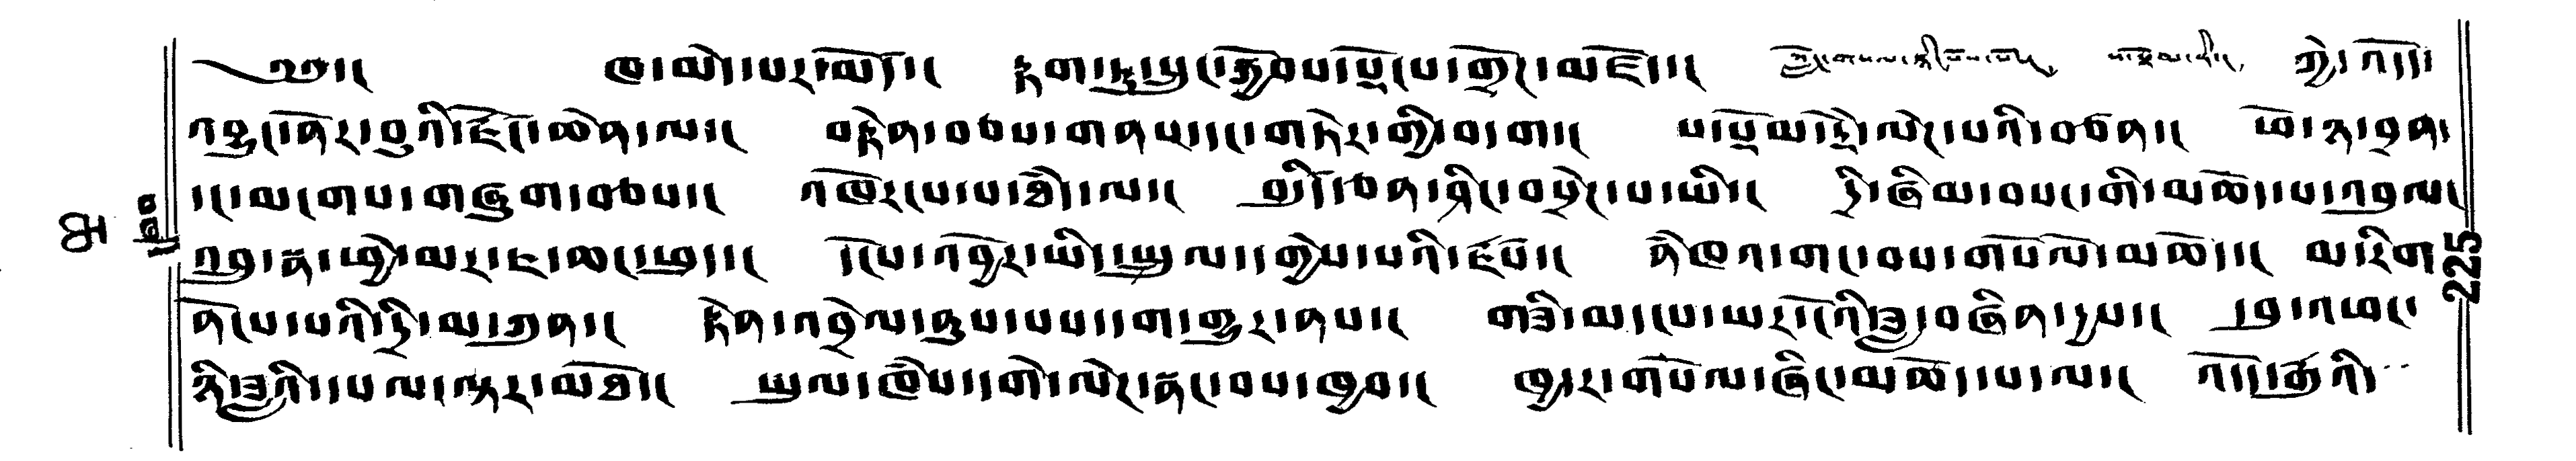ཁ་མེད་པར་མཛོད། །རྟག་ཏུ་སྲུང་སྐྱོབས་སྡོང་གྲོགས་མཛོད། །ཀློང་གསལ་སྙིང་པོས་སོ།། ས་སྡོམ་ནི། ཀྱཻ། འདོད་
འབྱུང་ནོར་བུའི་རྫོང་ཆེན་ལ། །བརྟེན་བཅས་གནས་དག་གཏེར་གྱི་བདག །ས་སྡོམ་རྡོ་རྗེ་ལེགས་པའི་བཙན། །ཕོ་ཉ་བྲན་
དང་མངགས་གཞུག་བཅས། །འཁོར་དང་བཅས་ཐམས་ཅད་ལ། །བདུད་རྩི་ཅན་ཤིང་བསྲེགས་པ་ཡི། །དྲི་ཞིམ་བསང་གི་མཆོད་པ་འབུལ། །
འབྲུ་སྣ་ཕྱེ་མར་ཇ་ཆང་ཕུད། །དངོས་འབྱོར་ཡིད་སྤྲུལ་དགྱེས་པའི་རྫས། །ནམ་མཁའ་གང་བས་གསོལ་ལོ་མཆོད། །མ་རིག་
ནོངས་པའི་དྲི་མ་ཀུན། །རྟེན་འབྲེལ་ནུས་པས་དག་གྱུར་ནས། །གཟི་མདངས་ཡར་ངོའི་ཟླ་བཞིན་རྒྱས། །དབུ་འཕང་
ཉི་ཟླའི་དཔལ་ལྟར་མཐོ། །ཡུལ་ཁམས་དགེ་ལེགས་སྣང་བས་ཁྱབ། །ཁྱད་པར་གསོལ་ཞིང་མཆོད་པ་ལ། །འདོད་རྒུའི་